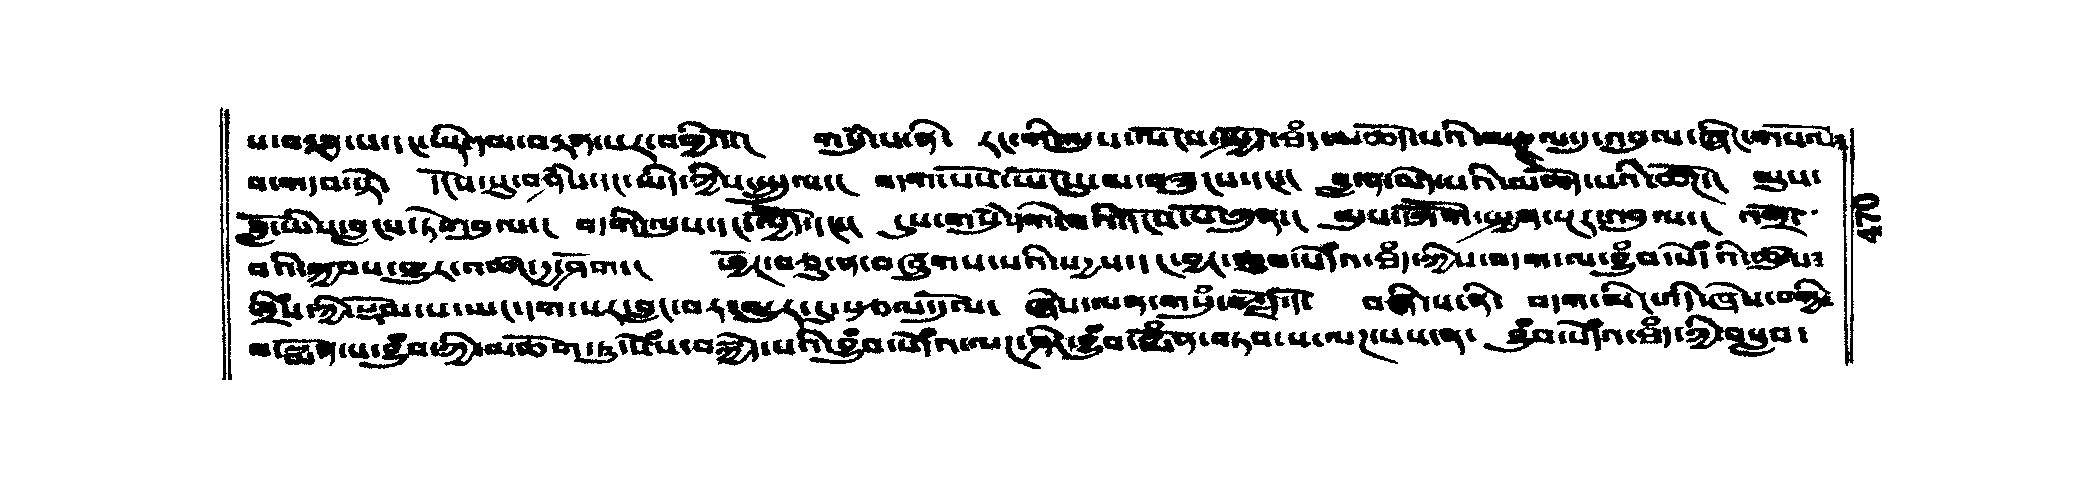པ་བརྟན་པ་དང་ཡིད་དམ་བརྟན་པར་བགྱིའོ། གསུམ་པ་ནི། རང་གི་ལུས་ལོངས་སྤྱོད་ཐམས་ཅད་མཆོད་པའི་མཎྜལ་དུ་འབུལ་ཞིང་གསོལ་
བ་གདབ་སྟེ། དངོས་སུ་བཤམས་དང་ཡིད་ཀྱིས་སྤྲུལ། བདག་པོས་ཡོངས་སུ་མ་བཟུང་དང་། བླ་ན་མེད་པའི་མཆོད་པའི་ཚོགས། ། མ་ལུས་
བློ་ཡིས་བླངས་ཏེ་དབུལ། །བདག་གི་ལུས་དང་ལོངས་སྤྱོད་དང་། །དུས་གསུམ་དགེ་བའི་དངོས་པོ་ཀུན། །མ་ལུས་དཀོན་མཆོག་སྤྱན་སྔར་འབུལ། །འགྲོ་
བའི་སྐྱབས་གྱུར་འཚང་རྒྱ་ཤོག་།ཕྱོགས་བཅུ་ན་བཞུགས་པའི་སངས་རྒྱས་དང་བྱང་ཆུབ་སེམས་དཔའ་ཐམས་ཅད་ཀྱིས་བདག་ལ་བྱང་ཆུབ་སེམས་དཔའི་ཚུལ་
ཁྲིམས་ཀྱི་སྡོམ་པ་ཡང་དག་པར་བླང་བར་མྱུར་དུ་རྩལ་དུ་གསོལ། ཞེས་ལན་གསུམ་བརྗོད་དོ། བཞི་པ་ནི། བདག་མིང་འདི་ཞེས་བགྱི་
པ་སྨོན་པ་བྱང་ཆུབ་ཀྱི་མཆོག་ཏུ་སེམས་བསྐྱེད་པའི་བྱང་ཆུབ་སེམས་དཔའ་ལགས་ཤིང་བྱང་ཆུབ་སྨོན་ལམ་བཏབ་པ་ལགས་པས་ན། བྱང་ཆུབ་སེམས་དཔའ་ཐམས་ཅད་ཀྱི་བསླབ་